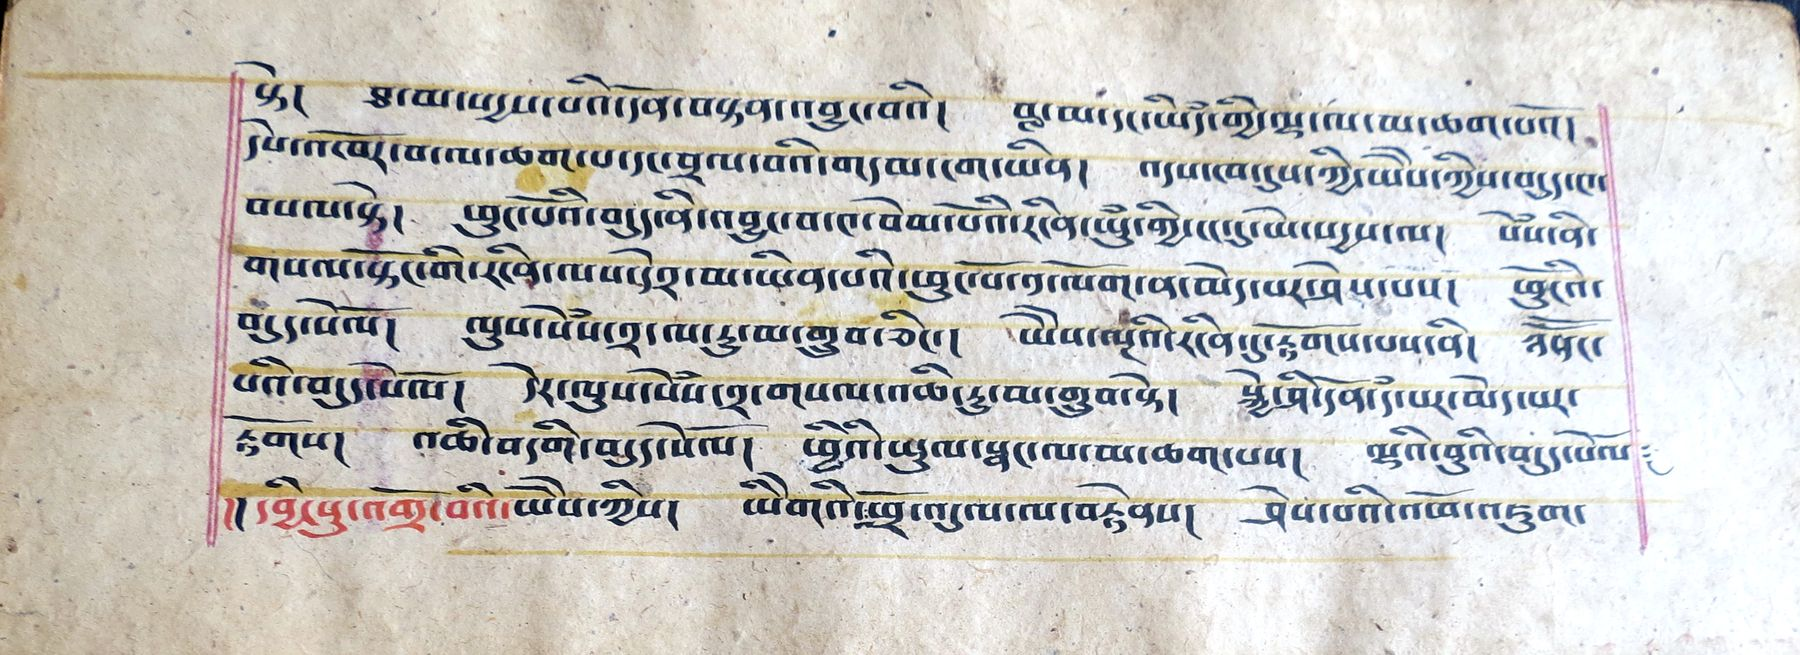སྟེ། ཐ་མ་སངས་རྒྱས་པའི་བསྟན་འབྱུང་བའི། བླ་མ་དང་ཡི་དམ་གྱི་ལྷ་ལ་མ་ཆགས་པའོ། །
དཔེ་འཁོར་བ་ལ་ཆགས་པ་དང་བྲལ་བའི་གདམས་པ་ཡིན། འདའ་དུས་ཀྱི་ཡེ་ཤེས་ཀྱིས་བདུད་བཞི་
བསལ་ཏེ། ཕུང་པོའི་བདུད་ནི་འབྱུང་བ་བཞི། བེམ་པོའི་རང་བཞིན་ཡུམ་གྱི་ངང་དུ་ཡེ་སངས་རྒྱས་ལ། སེམས་ནི་
གསལ་སྟོང་གི་རང་བཞིན་ལས་དེ་གཉིས་མ་ཡིན་པའི་ཕུང་པོ་གཅིག་ལོགས་ན་མེད་པར་ཤེས་པས་ཕུང་པོའི་
བདུད་སེལ་ལོ། །ལུས་སེམས་གཉིས་ལ་རྒྱུ་མ་གྲུབ་ཅིང་། ཡེ་ཤེས་ལྔ་ཡི་རང་བཞིན་དུ་རྟོགས་པས་ནི་ཉོན་མོངས་
པའི་བདུད་སེལ་ལོ། །དེར་ལུས་སེམས་གཉིས་གསལ་འཆི་རྒྱུ་མ་གྲུབ་སྟེ་སྐྱེ་ཤི་དོན་དམ་པར་མེད་པར་
རྟོགས། འཆི་བདག་གི་བདུད་སེལ་ལོ། །ཕྱིའི་ཡུལ་སྣང་ལ་མ་ཆགས་པས་ལྷའི་བུའི་བདུད་སེལ་ལོ། 
།དབྱིངས་སུ་འགྲོ་བའི་ཡེ་ཤེས་ཀྱིས། ཡི་གེའི་འཕྲོ་འདུ་ལ་བརྟེན་ནས། ཤེས་པའི་འཕོ་འཇུག་